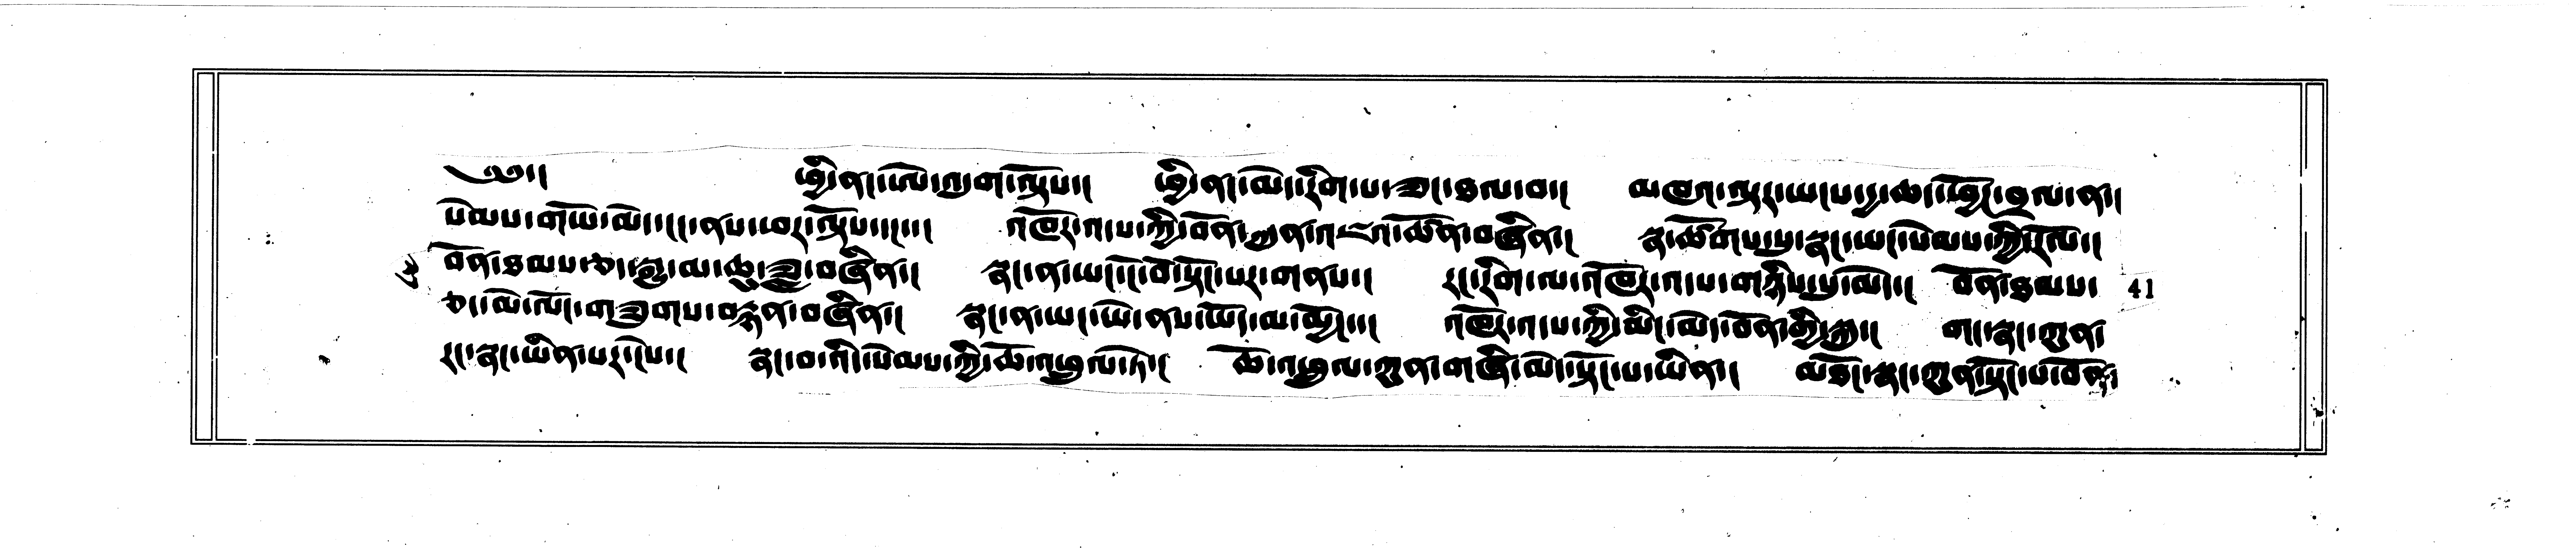ཕྱི་ནང་ཨེ་འདུག་ལྟོས། །ཕྱི་ནང་མེད་རིག་པ་ཟལ་ཐལ་བ། །མཁའ་ལྟར་ཡངས་རྒྱ་ཆད་ཕྱོགས་བྲལ་ན། 
།སེམས་གཡོ་མེད་ངང་ནས་ཕར་ལྟོས་དང་། །འཁོར་འདས་ཀྱི་བོན་ཀུན་འཇའ་ཚོན་བཞིན། །སྣ་ཚོགས་སུ་སྣང་ཡང་སེམས་ཀྱི་རོལ། 
།བོན་ཐམས་ཅད་སྒྱུ་མ་ཆུ་ཟླ་བཞིན། །སྣང་ན་ཡང་ངོ་བོ་སྟོང་པར་གནས། །རང་རིག་ལ་འཁོར་འདས་གཉིས་སུ་མེད། །བོན་ཐམས་
ཅད་མེ་ལོང་གཟུགས་བརྙན་བཞིན། །སྣང་ན་ཡང་ཡེ་ནས་ཡོད་མ་མྱོང་། །འཁོར་འདས་ཀྱི་མིང་མེད་བོན་གྱི་སྐུ། །གང་སྣང་ཀུན་
རང་སྣང་ཡིན་པར་ངེས། །སྣང་བ་འདི་སེམས་ཀྱི་ཆོ་འཕྲུལ་ཏེ། །ཆོ་འཕྲུལ་ཀུན་གཞི་མེད་སྟོང་པ་ཡིན། །མཐོང་སྣང་ཀུན་སྟོང་པ་བོན་